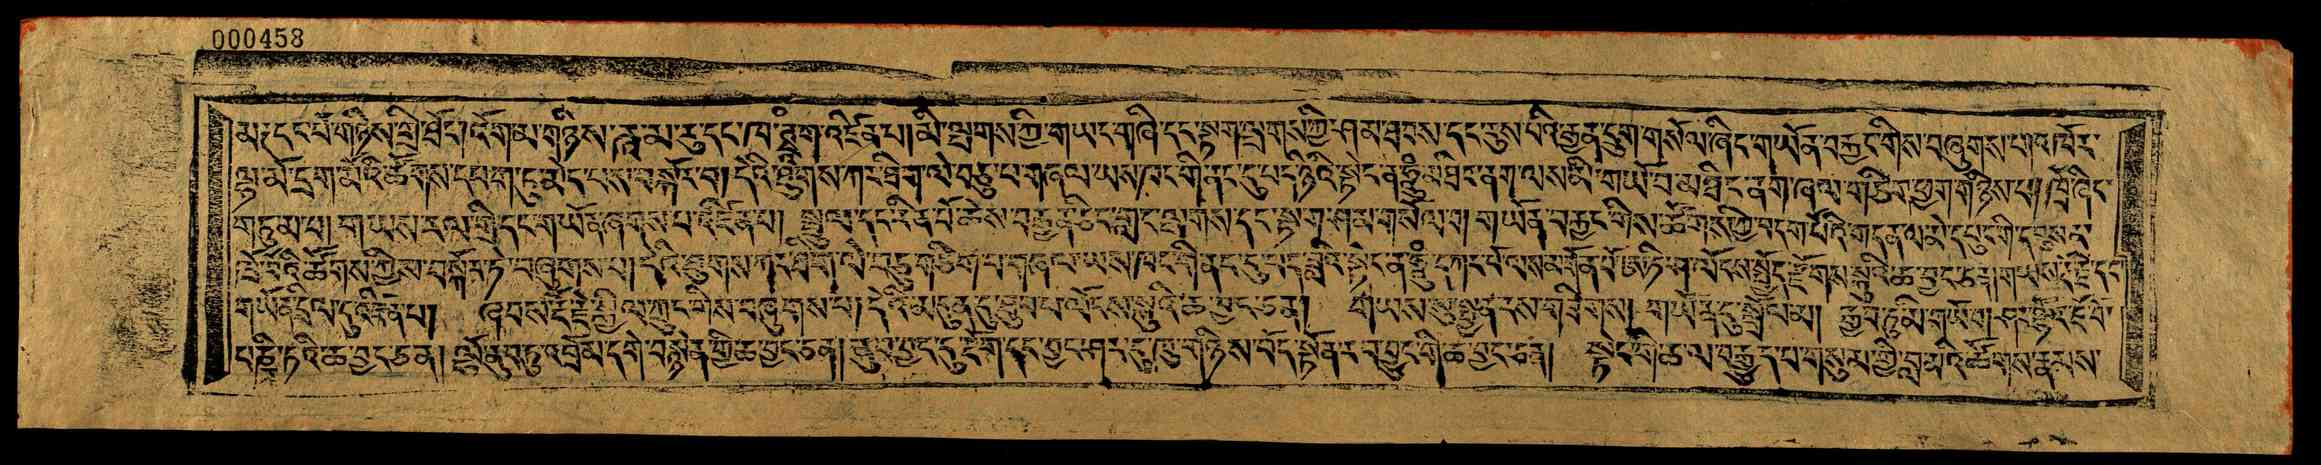མ༑ དང་པོ་གཉིས་གྲི་ཐོད། འོག་མ་གཉིས་ཌཱ་མ་རུ་དང་ཁཊྭཾ་ག་འཛིན་པ། མི་ལྤགས་ཀྱི་གཡང་གཞི་དང་སྟག་ལྤགས་ཀྱི་ཤམ་ཐབས་དང་རུས་པའི་རྒྱན་དྲུག་གསོལ་ཞིང་གཡོན་བརྐྱང་གིས་བཞུགས་པ་འཁོར་
ལྷ་མོ་དྲག་མོའི་ཚོགས་དཔག་ཏུ་མེད་པས་བསྐོར་བ། དེའི་ཐུགས་ཀར་ཐིག་ལེ་བཅུ་པ་གཞལ་ཡས་ཁང་གི་ནང་དུ་པད་ཉིའི་སྟེང་ན་ཧཱུཾ་མཐིང་ནག་ལས་མི་གཡོ་བ་མཐིང་ནག་ཞལ་གཅིག་ཕྱག་གཉིས་པ། ཁྲོ་ཞིང་
གཏུམ་པ། གཡས་རལ་གྲི་དང་གཡོན་ཞགས་པ་འཛིན་པ། སྤྲུལ་དང་རིན་པོ་ཆེས་བརྒྱན་ཅིང་གླང་ལྤགས་དང་སྟག་ཤམ་གསོལ་བ། གཡོན་བརྐྱང་གིས་ཚོགས་ཀྱི་བདག་པོའི་གདན་ལ་མེ་དཔུང་གི་དབུས་ན་
ཁྲོ་བོའི་ཚོགས་ཀྱིས་བསྐོར་ཏེ་བཞུགས་པ། དེའི་ཐུགས་ཀར་ཐིག་ལེ་བཅུ་གཅིག་པ་གཞལ་ཡས་ཁང་གི་ནང་དུ་པད་ཟླའི་སྟེང་ན་ཧཱུཾ་དཀར་པོ་ལས་མགོན་པོ་ཨ་ཏིག་ལོངས་སྤྱོད་རྫོགས་སྐུའི་ཆ་བྱད་ཅན། གཡས་རྡོ་རྗེ་དང་
གཡོན་དྲིལ་བུ་འཛིན་པ། ཞབས་རྡོ་རྗེ་སྐྱིལ་ཀྲུང་གིས་བཞུགས་པ། དེའི་མདུན་དུ་ཐུབ་པ་ལོངས་སྐུའི་ཆ་བྱད་ཅན། གཡས་སུ་སྤྱན་རས་གཟིགས། གཡོན་དུ་སྒྲོལ་མ། རྒྱབ་ཏུ་མི་གཡོ་བ། ཤར་ལྷོར་ཇོ་བོ་
པཎྜི་ཏའི་ཆ་བྱད་ཅན། ལྷོ་ནུབ་ཏུ་འབྲོམ་དགེ་བསྙེན་གྱི་ཆ་བྱད་ཅན། ནུབ་བྱང་དུ་རྔོག་དང་བྱང་ཤར་དུ་ཁུ་གཉིས་བོད་སྟོན་རབ་བྱུང་གི་ཆ་བྱང་ཅན། སྟེང་གི་ཆ་ལ་བརྒྱུད་པ་གསུམ་གྱི་བླ་མའི་ཚོགས་རྣམས་